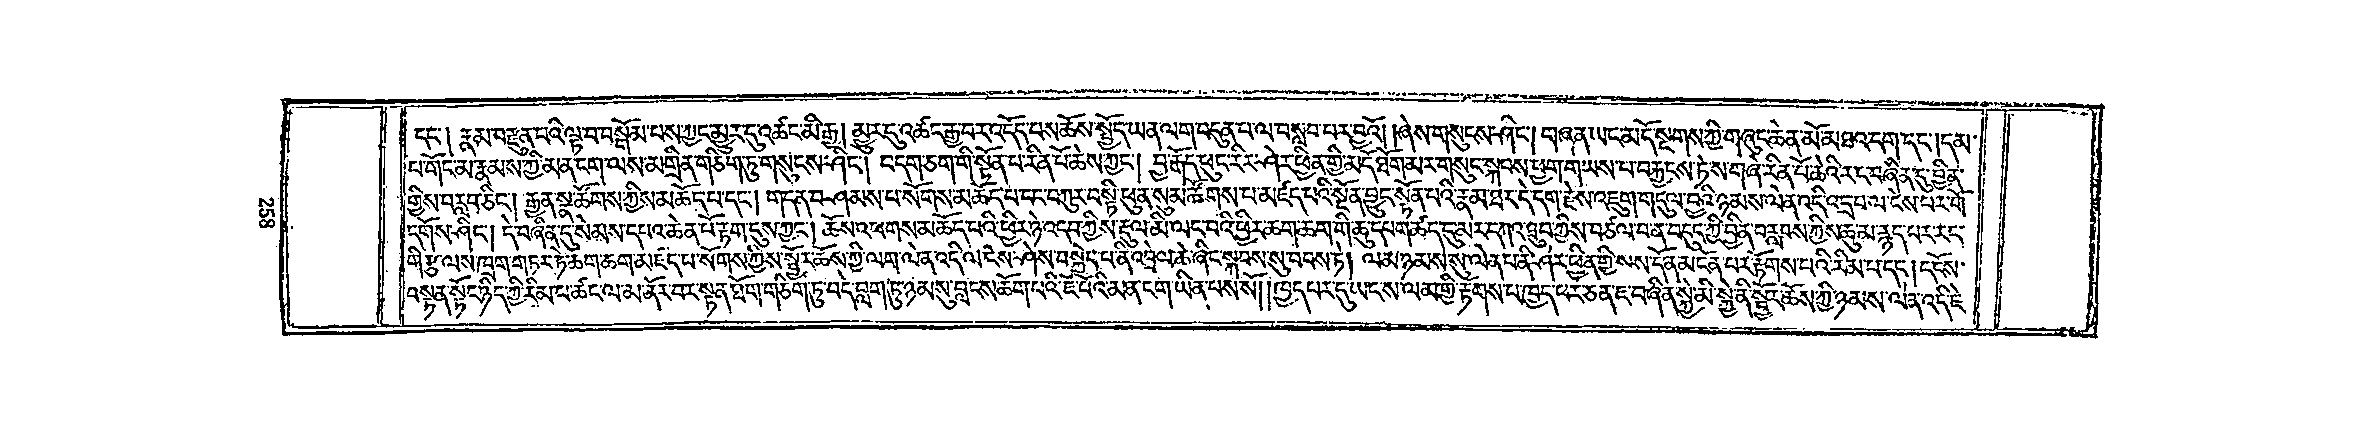དང་། རྣམ་བརྫུན་པའི་ལྟ་བ་བསྒོམ་པས་ཀྱང་མྱུར་དུ་འཚང་མི་རྒྱ། མྱུར་དུ་འཚང་རྒྱ་བར་འདོད་པས་ཆོས་སྤྱོད་ཡན་ལག་བདུན་པ་ལ་བསླབ་པར་བྱའོ། །ཞེས་གསུངས་ཤིང་། གཞན་ཡང་མདོ་སྔགས་ཀྱི་གཞུང་ཆེན་མོ་མཐའ་དག་དང་། དམ་
པ་གོང་མ་རྣམས་ཀྱི་མན་ངག་ལས་མགྲིན་གཅིག་ཏུ་གསུངས་ཤིང་། བདག་ཅག་གི་སྟོན་པ་རིན་པོ་ཆེས་ཀྱང་། བྱ་རྒོད་ཕུང་རིར་ཤེར་ཕྱིན་གྱི་མདོ་ཐོག་མར་གསུང་སྐབས་ཕྱག་གཡས་པ་བརྐྱངས་ཏེ་ས་གཞེ་རིན་པོ་ཆེའི་རང་བཞིན་དུ་བྱིན་
གྱིས་བརླབ་ཅིང་། རྒྱན་སྣ་ཚོགས་ཀྱིས་མཆོད་པ་དང་། གདན་བཤམས་པ་སོགས་མཆོད་པ་དང་བཀུར་བསྟི་ཕུན་སུམ་ཚོགས་པ་མཛད་པའི་སྔོན་བྱུང་སྟོན་པའི་རྣམ་ཐར་དེ་དག་རྗེས་འཇུག་གདུལ་བྱའི་ཉམས་ལེན་འདི་འདྲ་བ་ལ་ངེས་པར་གོ་
དགོས་ཤིང་། དེ་བཞིན་དུ་སེམས་དཔའ་ཆེན་པོ་རྟག་དུས་ཀྱང་། ཆོས་འཕགས་མཆོད་པའི་ཕྱིར་ཉེ་འདབ་ཀྱིས་རྡུལ་མི་ལང་བའི་ཕྱིར་ཆག་ཆག་གི་ཆུ་དཔག་ཚད་དུ་མར་དཀའ་ཐུབ་ཀྱིས་བཙལ་བ་ན་བདུད་ཀྱི་བྱིན་བརླབས་ཀྱིས་ཆུ་མ་རྙད་པར་རང་
གི་རྩ་ལས་ཁྲག་གཏར་ཏེ་ཆག་ཆག་མཛད་པ་སོགས་ཀྱིས་སྦྱོར་ཆོས་ཀྱི་ལག་ལེན་འདི་ལ་ངེས་ཤེས་བསྐྱེད་པ་ནི་འབྲེལ་ཆེ་ཞིང་སྐབས་སུ་བབས་ཏེ། ལམ་ཉམས་སུ་ལེན་པ་ནི་ཤར་ཕྱིན་གྱི་སས་དོན་མངོན་པར་རྟོགས་པའི་རིམ་པ་དང་། དངོས་
བསྟན་སྟོང་ཉིད་ཀྱི་རིམ་པ་ཚང་ལ་མ་ནོར་བར་སྟན་ཐོག་གཅིག་ཏུ་བདེ་བླག་ཏུ་ཉམས་སུ་བླངས་ཆོག་པའི་ཇོ་བོའི་མན་ངག་ཡིན་པས་སོ། །ཁྱད་པར་དུ་ཡང་ས་ལམ་གྱི་རྟོགས་པ་ཁྱད་པར་ཅན་ཇ་བཞིན་སྐྱེ་མི་སྐྱེ་ནི་སྦྱོར་ཆོས་ཀྱི་ཉམས་ལེན་འདི་ཇེ་